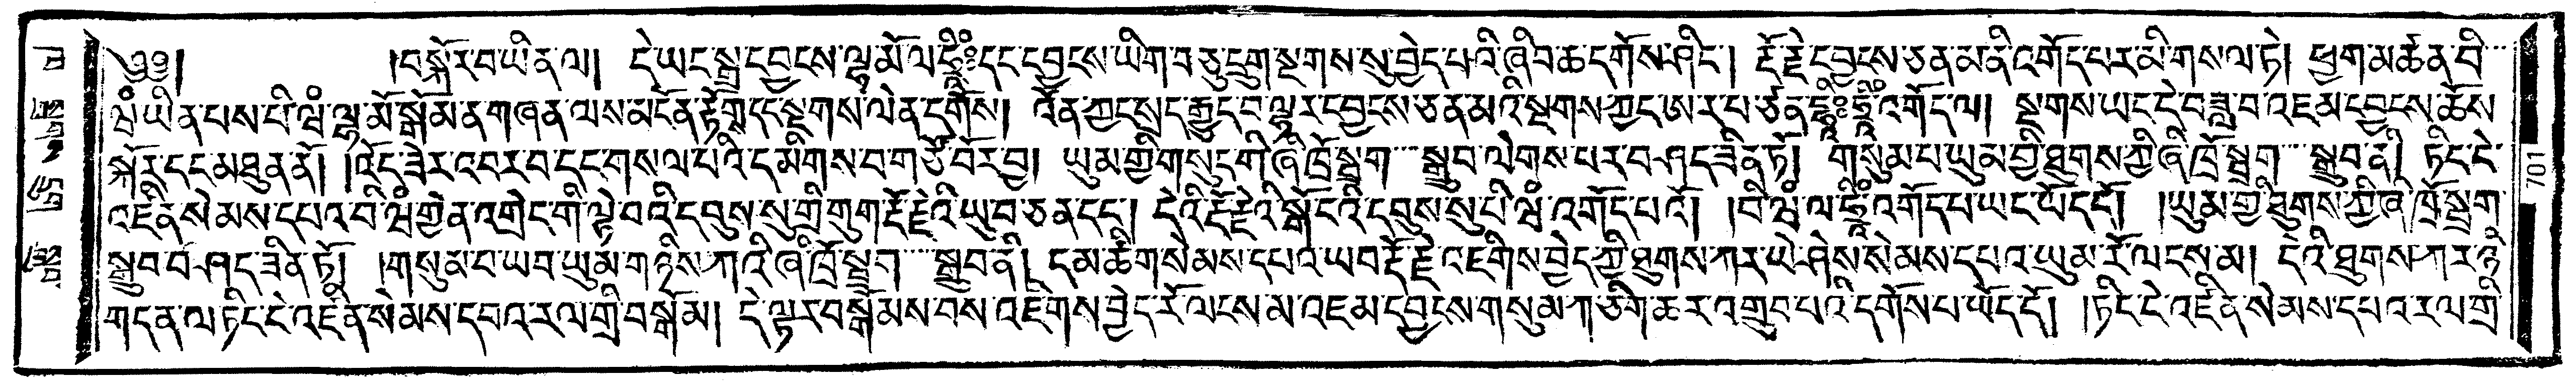༄༅། །བསྐོར་བ་ཡིན་ལ། དེ་ཡང་སྒྲ་དབྱངས་ལྷ་མོ་ལ་ཧྲཱིཾཿདང་དབྱངས་ཡིག་བཅུ་དྲུག་སྔགས་སུ་བྱེད་པའི་ཞིབ་ཆ་དགོས་ཤིང་། རྡོ་རྗེ་དབྱངས་ཅན་མ་ནི་འགོད་པར་མི་གསལ་ཏེ། ཕྱག་མཚན་པི་
ཝཾ་ཡིན་པས་པི་ཝཾ་ལྷ་མོ་སྒོམ་ན་གཞན་ལས་མངོན་རྟོགས་དང་སྔགས་ལེན་དགོས། འོན་ཀྱང་སྲད་རྒྱུད་བ་ལྷར་དབྱངས་ཅན་མའི་སྔགས་ཀྱང་ཨ་ར་པ་ཙ་ན་དྷཱིཿཧྲཱིཾ་འགོད་ལ། སྔགས་ཡང་དེ་བཟླ་བ་འཇམ་དབྱངས་ཆོས་
སྐོར་དང་མཐུན་ནོ། །འོད་ཟེར་འབར་བ་དང་གསལ་པའི་དམིགས་བ་གཙོ་བོར་བྱ། ཡུམ་གྱི་གསུང་གི་ཞི་ཁྲོ་སྦྲག་སྒྲུབ་ལེགས་པར་བཤད་ཟིན་ཏོ། གསུམ་པ་ཡུམ་གྱི་ཐུགས་ཀྱི་ཞི་ཁྲོ་སྦྲག་སྒྲུབ་ནི། ཏིང་ངེ་
འཛིན་སེམས་དཔའ་པི་ཝཾ་གྱེན་འགྲེང་གི་ལྟེ་བའི་དབུས་སུ་གྲི་གུག་རྡོ་རྗེའི་ཡུ་བ་ཅན་དང་། དེའི་རྡོ་རྗེའི་སྒོ་ངའི་དབུས་སུ་པི་ཝཾ་འགོད་པའོ། །པི་ཝཾ་ལ་ཧྲཱིཾ་འགོད་པ་ཡང་ཡོད་དོ། །ཡུམ་གྱི་ཐུགས་ཀྱི་ཞི་ཁྲོ་སྦྲག་
སྒྲུབ་བཤད་ཟིན་ཏོ། །གསུམ་པ་ཡབ་ཡུམ་གཉིས་ཀའི་ཞི་ཁྲོ་སྦྲག་སྒྲུབ་ནི། དམ་ཚིག་སེམས་དཔའ་ཡབ་རྡོ་རྗེ་འཇིགས་བྱེད་ཀྱི་ཐུགས་ཀར་ཡེ་ཤེས་སེམས་དཔའ་ཡུམ་རོ་ལངས་མ། དེའི་ཐུགས་ཀར་ཉི་
གདན་ལ་ཏིང་ངེ་འཛིན་སེམས་དཔའ་རལ་གྲི་བསྒོམ། དེ་ལྟར་བསྒོམས་བས་འཇིགས་བྱེད་རོ་ལངས་མ་འཇམ་དབྱངས་གསུམ་ཀ་ཅིག་ཆར་འགྲུབ་པའི་དགོས་པ་ཡོད་དོ། །ཏིང་ངེ་འཛིན་སེམས་དཔའ་རལ་གྲི་